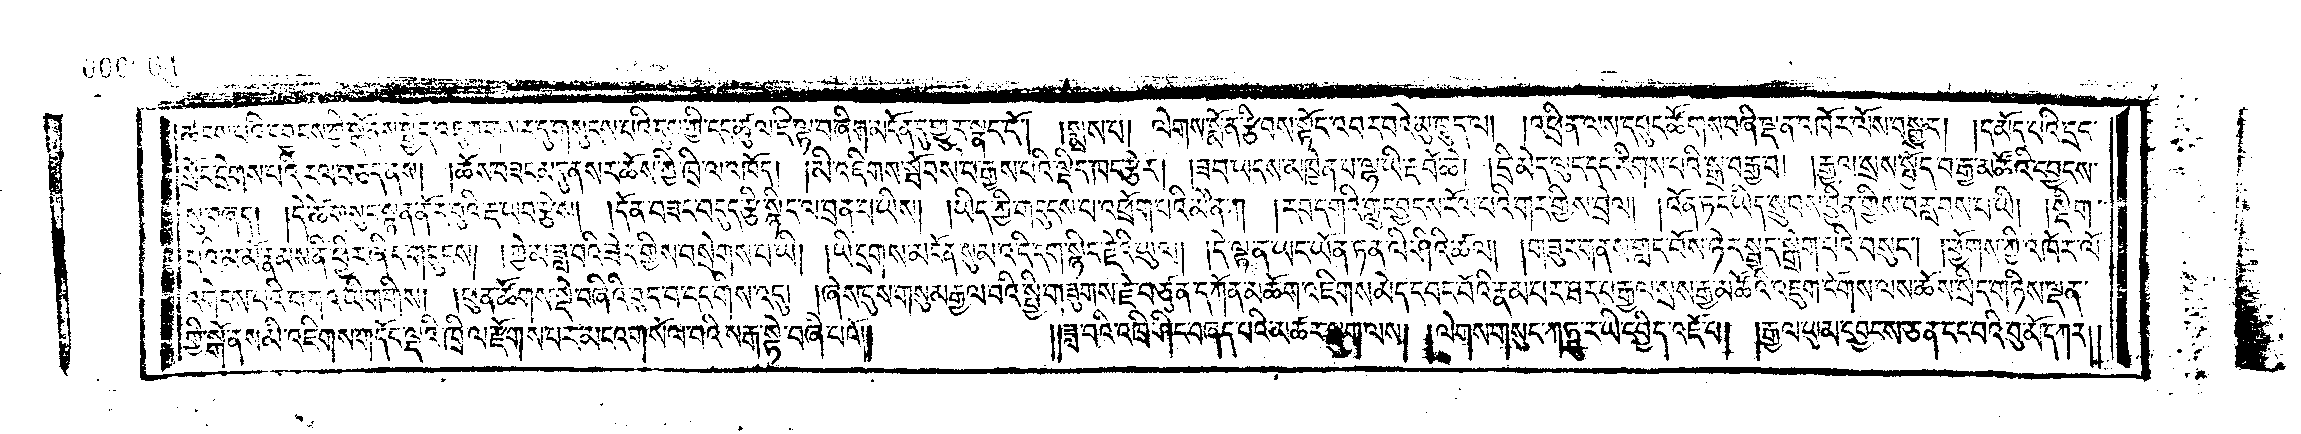ཚངས་པའི་དབྱངས་ཀྱི་སྒོ་ནས་སྤྱོད་འཇུག་གསར་དུ་གསུངས་པའི་དུས་ཀྱི་དང་ཚུལ་ཇི་ལྟ་བ་ཞིག་མངོན་དུ་གྱུར་སྣང་ངོ། །སྨྲས་པ། ལེགས་སྨོན་རྩིབས་སྟོང་འབར་བའི་མུ་ཁྱུད་ལ། །འཕྲིན་ལས་དཔུང་ཚོགས་བཞི་ལྡན་འཁོར་ལོས་བསྒྱུར། །དམོད་པའི་དྲང་
སྲོང་དྲེགས་པའི་རལ་བཅད་ནས། །ཆོས་བཟང་མདུན་སར་ཆོས་ཀྱི་ཁྲི་ལ་འཁོད། །མི་འཇིགས་སྤོབས་པ་རྒྱས་པའི་ལྡིང་ཁང་རྩེར། །ཟབ་ཡངས་མཁྱེན་པ་ལྷ་ཡི་རྔ་བོ་ཆེ། །དྲི་མེད་ལུང་དང་རིགས་པའི་སྒྲ་བ་རྒྱ་པ། །རྒྱལ་སྲས་སྤྱོད་པ་རྒྱ་མཚོའི་དབྱངས་
སུ་བཞད། །དེ་ཚེ་གསུང་སྙན་ནོར་བུའི་རྔ་ཡབ་རྩེས། །དོན་བཟང་བདུད་རྩི་སྙིང་ལ་བྲན་པ་ཡིས། །ཡིད་ཀྱི་གདུངས་པ་འཕྲོག་པའི་མཻ་ན་ཀ །རབ་དཀའི་གླུ་དབྱངས་རོལ་པའི་གར་གྱིས་བྲེལ། །འོན་ཏང་ཡིད་སྲུབས་བྱིན་གྱིས་བརླམས་པ་ཡི། །སྡིག་
པའི་མ་མོ་རྣམས་ནི་ཕྱིར་ཞིང་གདུངས། །ཀྱེ་མ་ཟླ་བའི་ཟེར་གྱིས་བསྲེགས་པ་ཡི། །ཡི་དྭགས་མངོན་སུམ་འདི་དག་སྙིང་རྗེའི་ཡུལ། །དེ་ལྟ་ན་ཡང་ཡོན་ཏན་ལི་ཤིའི་ཚལ། །གཟུར་གནས་གླང་པོས་ཉེར་སྤྱད་སྒེག་པའི་བསུང་། །ཕྱོགས་ཀྱི་འཁོར་ལོ་
འགེངས་པའི་བཀའ་ཡིག་གིས། །ཕུན་ཚོགས་སྡེ་བཞིའི་བུང་བ་དང་གིས་འདུ། །ཞེས་དུས་གསུམ་རྒྱལ་བའི་སྤྱི་གཟུགས་རྗེ་བཙུན་དཀོན་མཆོག་འཇིགས་མེད་དབང་པོའི་རྣམ་པར་ཐར་པ་རྒྱལ་སྲས་རྒྱ་མཚོའི་འཇུག་ངོགས་ལས་ཆོས་སྲིད་གཉིས་ལྡན་
གྱི་སྒོ་ནས་མི་འཇིགས་གདོང་ལྔའི་ཁྲི་ལ་རྫོགས་པར་མངའ་གསོལ་བའི་ས་རྒ་སྟེ་བཞི་པའོ།། །།ཟླ་བའི་འཁྲི་ཤིང་བཞད་པའི་མཚར་སྡུག་ལས། །ལེགས་གསུང་ཀཏྤུ་ར་ཡི་དཔྱིད་འཇོ་པ། །རྒྱལ་ཡུམ་དབྱངས་ཅན་ངང་བའི་བུ་མོ་དཀར། །